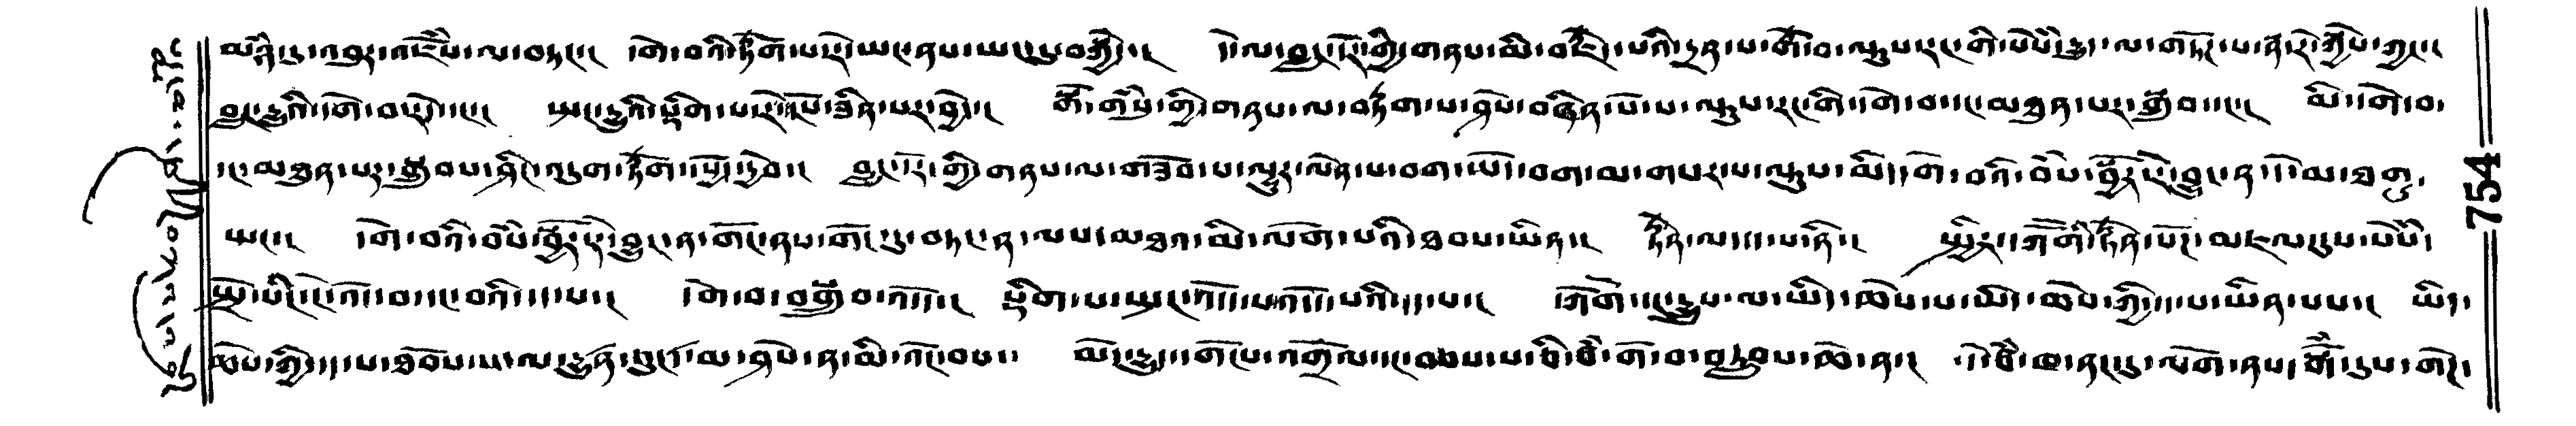མཉམ་དུ་འབུར་འཇོམས་ལ་བཏང་། དགེ་བའི་རྟོག་པ་རེ་ཡང་ནས་ཡང་དུ་བསྐྱེད། དེ་ལ་བླང་དོར་གྱི་གནས་མི་བརྗེད་པའི་དྲན་པ་སྒོ་བ་ལྟ་བུས་རང་གི་སེམས་རྒྱུད་ལ་རྟོག་པ་སྣ་རེ་སྐྱེས་ཀྱང་། 
བླང་རྒྱུའི་དགེ་བ་རེད་དང་། སྤང་རྒྱུའི་སྡིག་རེད་ངོས་ཟིན་པར་བྱེད། སྒོ་གསུམ་གྱི་གནས་ལ་བརྟག་པ་ཤེས་བཞིན་སོ་པ་ལྟ་བུས་རང་གི་དགེ་བ་དང་མཐུན་པར་སྒྲུབ་དང་། མི་དགེ་བ་
དང་མཐུན་པར་སྒྲུབས་ཤིང་འདུག་རྟོག་དཔྱོད་རྒྱོབ། བླང་དོར་གྱི་གནས་ལ་གཟོབ་པ་ལྷུར་ལེན་པ་བག་ཡོད་བག་མ་གསར་པ་ལྟ་བུས་མི་དགེ་བའི་བསམ་སྦྱོར་རེ་བྱུང་ན་དེ་མ་ཐག་ཏུ་
སྤང་། དགེ་བའི་བསམ་སྦྱོར་རེ་བྱུང་ན་གོང་ནས་གོང་དུ་བཏང་ན་ལས་མཐའ་མི་ལོག་པའི་ཐབས་ཡིན། རྟེན་ལ་དད་པ་ནི། སྤྱིར་དཀོན་མཆོག་གི་རྟེན་སོགས་མཇལ་དུས་སེམས་
སྤྲོ་སིང་ངེ་འོང་བ་དང་བའི་དད་པ།དགེ་བ་བསྒྲུབ་འདོད། སྡིག་པ་སྤང་འདོད་པ་འདོད་པའི་དད་པ། དཀོན་མཆོག་དང་རྒྱུ་འབྲས་ལ་ཡིད་ཆེས་པ་ཡིད་ཆེས་ཀྱི་དད་པ་ཡིན་པས། ཡིད་
ཆེས་ཀྱི་དད་པ་ཐོབ་པ་ལ་རྒྱུ་མཚན་ཅུང་ཟད་མ་ཤེས་ན་མི་འོང་བས། མདོ་རྒྱུད་དགོངས་འགྲེལ་དང་བཅས་པ་ལ་ཅི་ཙམ་གོ་བ་བརླབས་ཆེ་ན། དེ་ཙམ་ཁ་ནང་དུ་ལོག་ནས་བསྒོམ་དུས་གེགས་